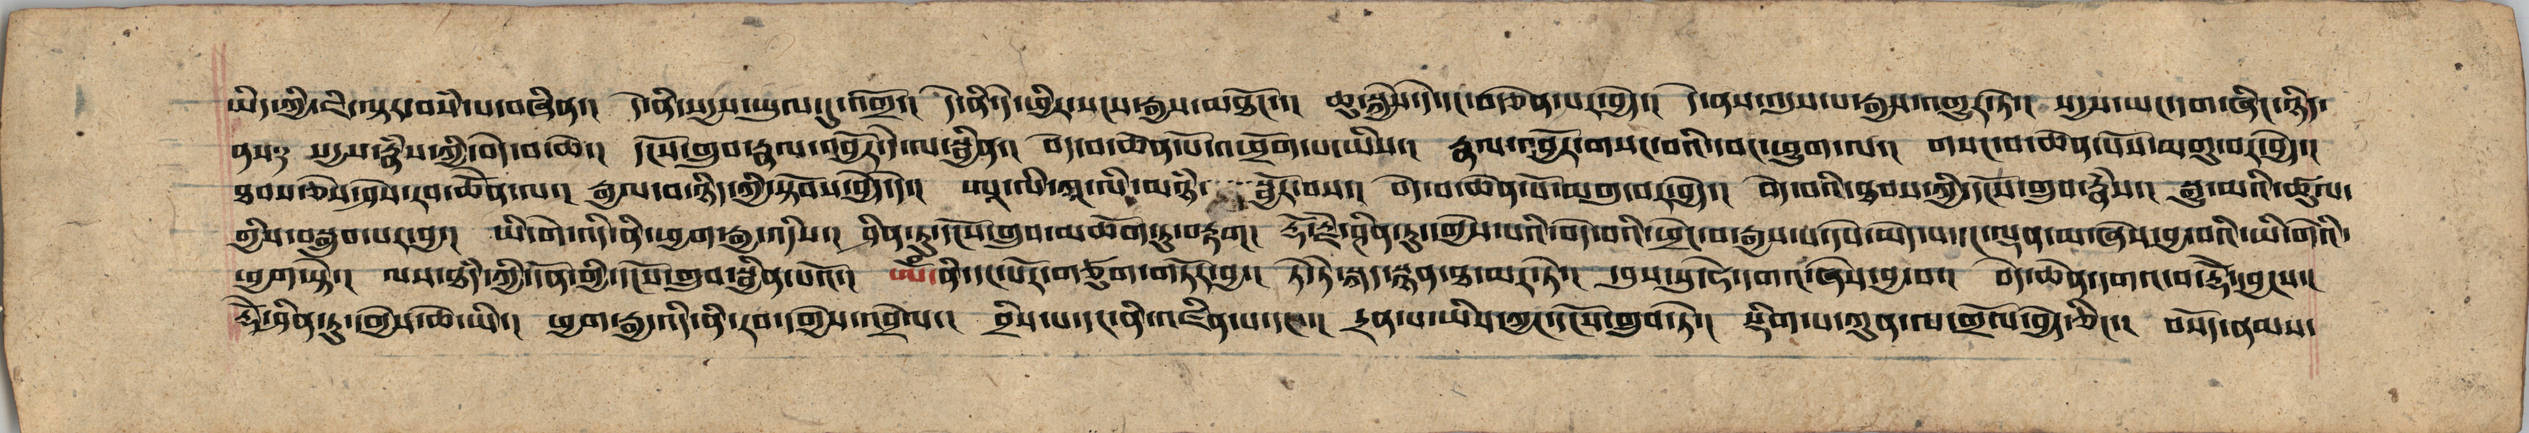ཡིད་ཀྱི་ཇི་ལྟར་བསཾ་པ་བཞིན་། དེ་ནི་སདྱས་ཡུལ་དུའགྲོ་། དེ་ནི་དེ་ཕྱིར་སངས་རྒྱས་མཐོང་་། ཆུ་སྐྱེས་དེ་དང་བརྩོན་པར་བྱེད་། དེ་ནས་འདུས་པ་རྒྱས་འགྱུར་ཏེ་། སདྱས་ཡང་དག་ཞིང་ཉིད་
ནས༑ སདྱས་རྣཾས་ཀྱི་བདེ་བ་ཆེ་། དངོས་གྲུབ་རྣལ་འབྱོར་དེ་ལ་སྦྱིན་། བདེ་བ་ཆེན་པོ་འཕྲོག་པ་ཡིས་། རྣལ་འབྱོར་གསང་བའི་དབང་ཕྱུག་ལ་། གསང་བ་ཆེན་པོས་མགུ་བར་བྱེད་།
ཐབས་ཅེས་ཤེས་རབ་ཆེནོ་ལ་། རྒྱལ་བ་ཉིད་ཀྱི་སྟོབས་བྱེད་དེ་། ཨཱ་ལི་ཀཱ་ལི་མཉཾ་ སྦྱོར་བས་། བདེ་བ་ཆེན་པོ་མགུ་བར་བྱེད་། བདེ་བའི་ཐབས་ཀྱི་དངོས་གྲུབ་རྣཾས་། སྒྱུ་མའི་ཚུལ་
གྱིས་བསྒྲུབ་པར་བྱ་། ཡི་གེ་འདི་ནི་ཕྱག་རྒྱ་འདིས་། ཤིན་ཏུ་དངོས་གྲུབ་མཆོག་ཏུ་བརྟག། རྡོ་རྗེ་ཤིན་ཏུ་དགྱེས་པའི་བདེ་བའི་ཕྲེང་བ་རྒྱས་པ་དཔེ་མེད་པ་དང་ལྡན་མ་ཞེས་བྱ་བའི་ཡི་གེའི་
ཕྱག་སྟེ་། ལས་ཐདཾ་ཀྱི་དོན་གྱི་དངོས་གྲུབ་སྦྱིན་པའོ་། ཨོཾ་ནི་དང་པོར་གཙུག་གཏོར་བྱ་། ཏེ་ཏེ་སྐད་སྙན་ཐ་མར་ཏེ་། དབུས་སུ་ཧེ་དགའ་ཞེས་བྱ་བ་། བདེ་ཆེན་དགའ་བ་རྡོེ་དབྱངས་།
རྡོེ་ཤིན་ཏུ་དགྱེས་ཆེ་ཡི་། ཕྱག་རྒྱ་འདི་ནི་རབ་དགྱེས་འབྲེལ་། བྲིས་པ་དང་ནི་འཛིན་པ་དང་་། དྲན་པ་ཡིས་ཀྱང་དངོས་གྲུབ་ཏེ་། སྡིག་པ་ཀུན་ལ་གྲོལ་བྱེད་ཅིང་་། བསོད་ནམས་